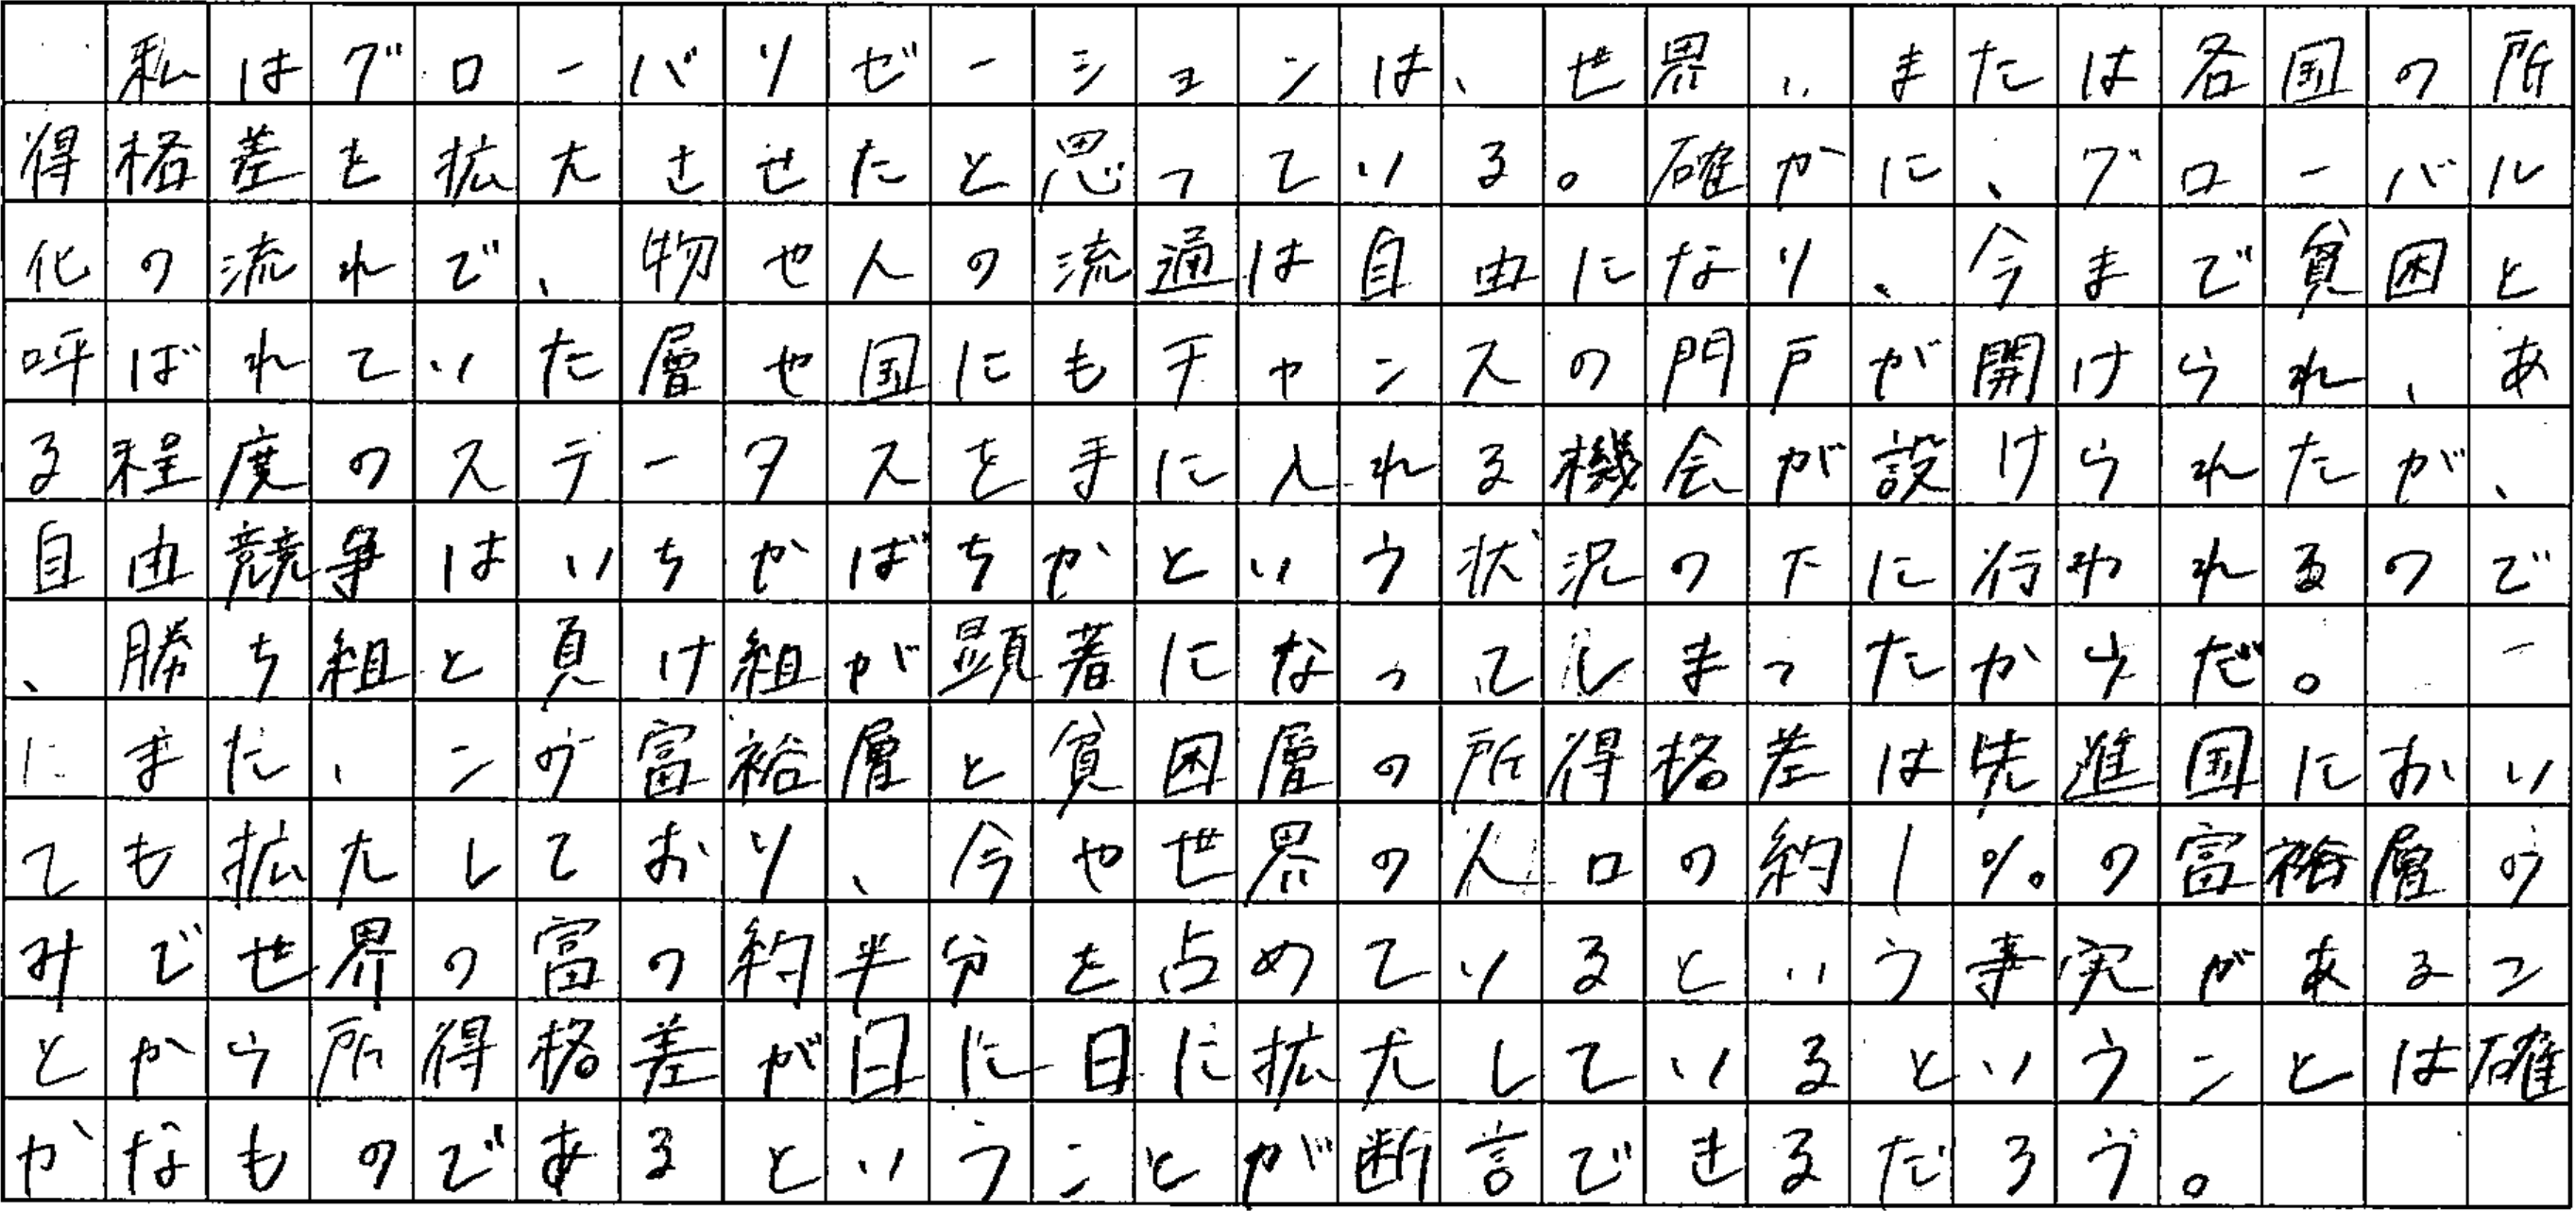　私はグローバリゼーションは、世界、または各国の所得格差を拡大させたと思っている。確かに、グローバル化の流れで、物や人の流通は自由になり、今まで貧困と呼ばれていた層や国にもチャンスの門戸が開けられ、ある程度のステータスを手に入れる機会が設けられたが、自由競争はいちかばちかという状況の下に行われるので、勝ち組と負け組が顕著になってしまったからだ。
　また、この富裕層と貧困層の所得格差は先進国においても拡大しており、今や世界の人口の約１％の富裕層のみで世界の富の約半分を占めているという事実があることから所得格差が日に日に拡大しているということは確かなものであるということが断言できるだろう。
